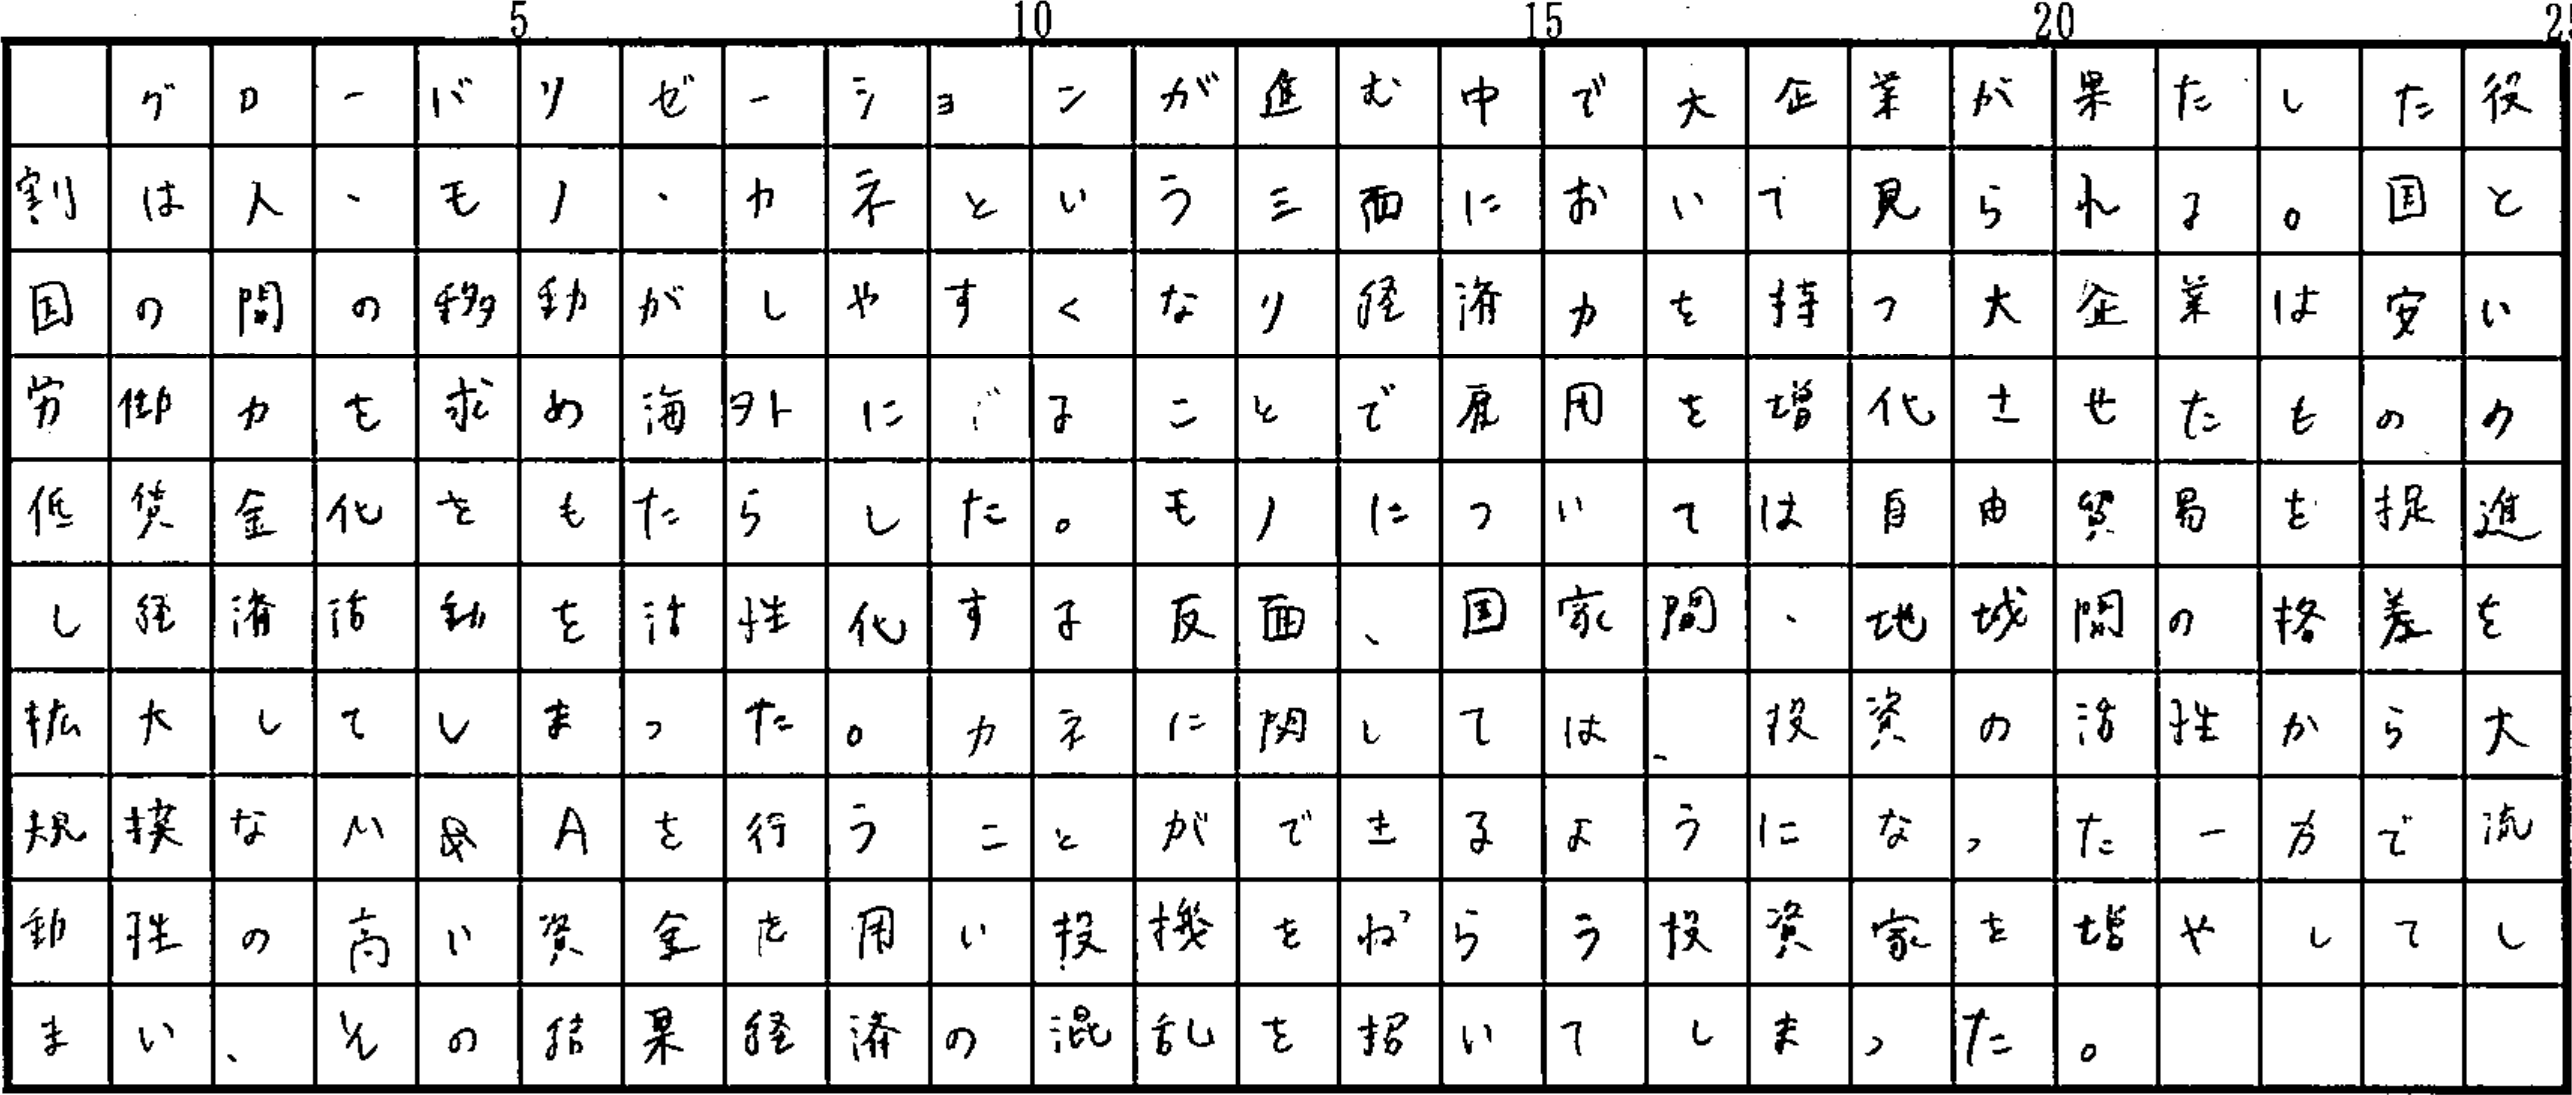　グローバリゼーションが進む中で大企業が果たした役割は人・モノ・カネという三面において見られる。国と国の間の移動がしやすくなり経済力をもつ大企業は安い労働力を求め海外にでることで雇用を増化させたものの低賃金化をもたらした。モノについては自由貿易を捉進し経済活動を活性化する反面、国家間・地域間の格差を拡大してしまった。カネに関しては、投資の活性から大規模なＭ＆Ａを行うことができるようになった一方で流動性の高い資金を用い投機をねらう投資家を増やしてしまい、その結果経済の混乱を招いてしまった。
